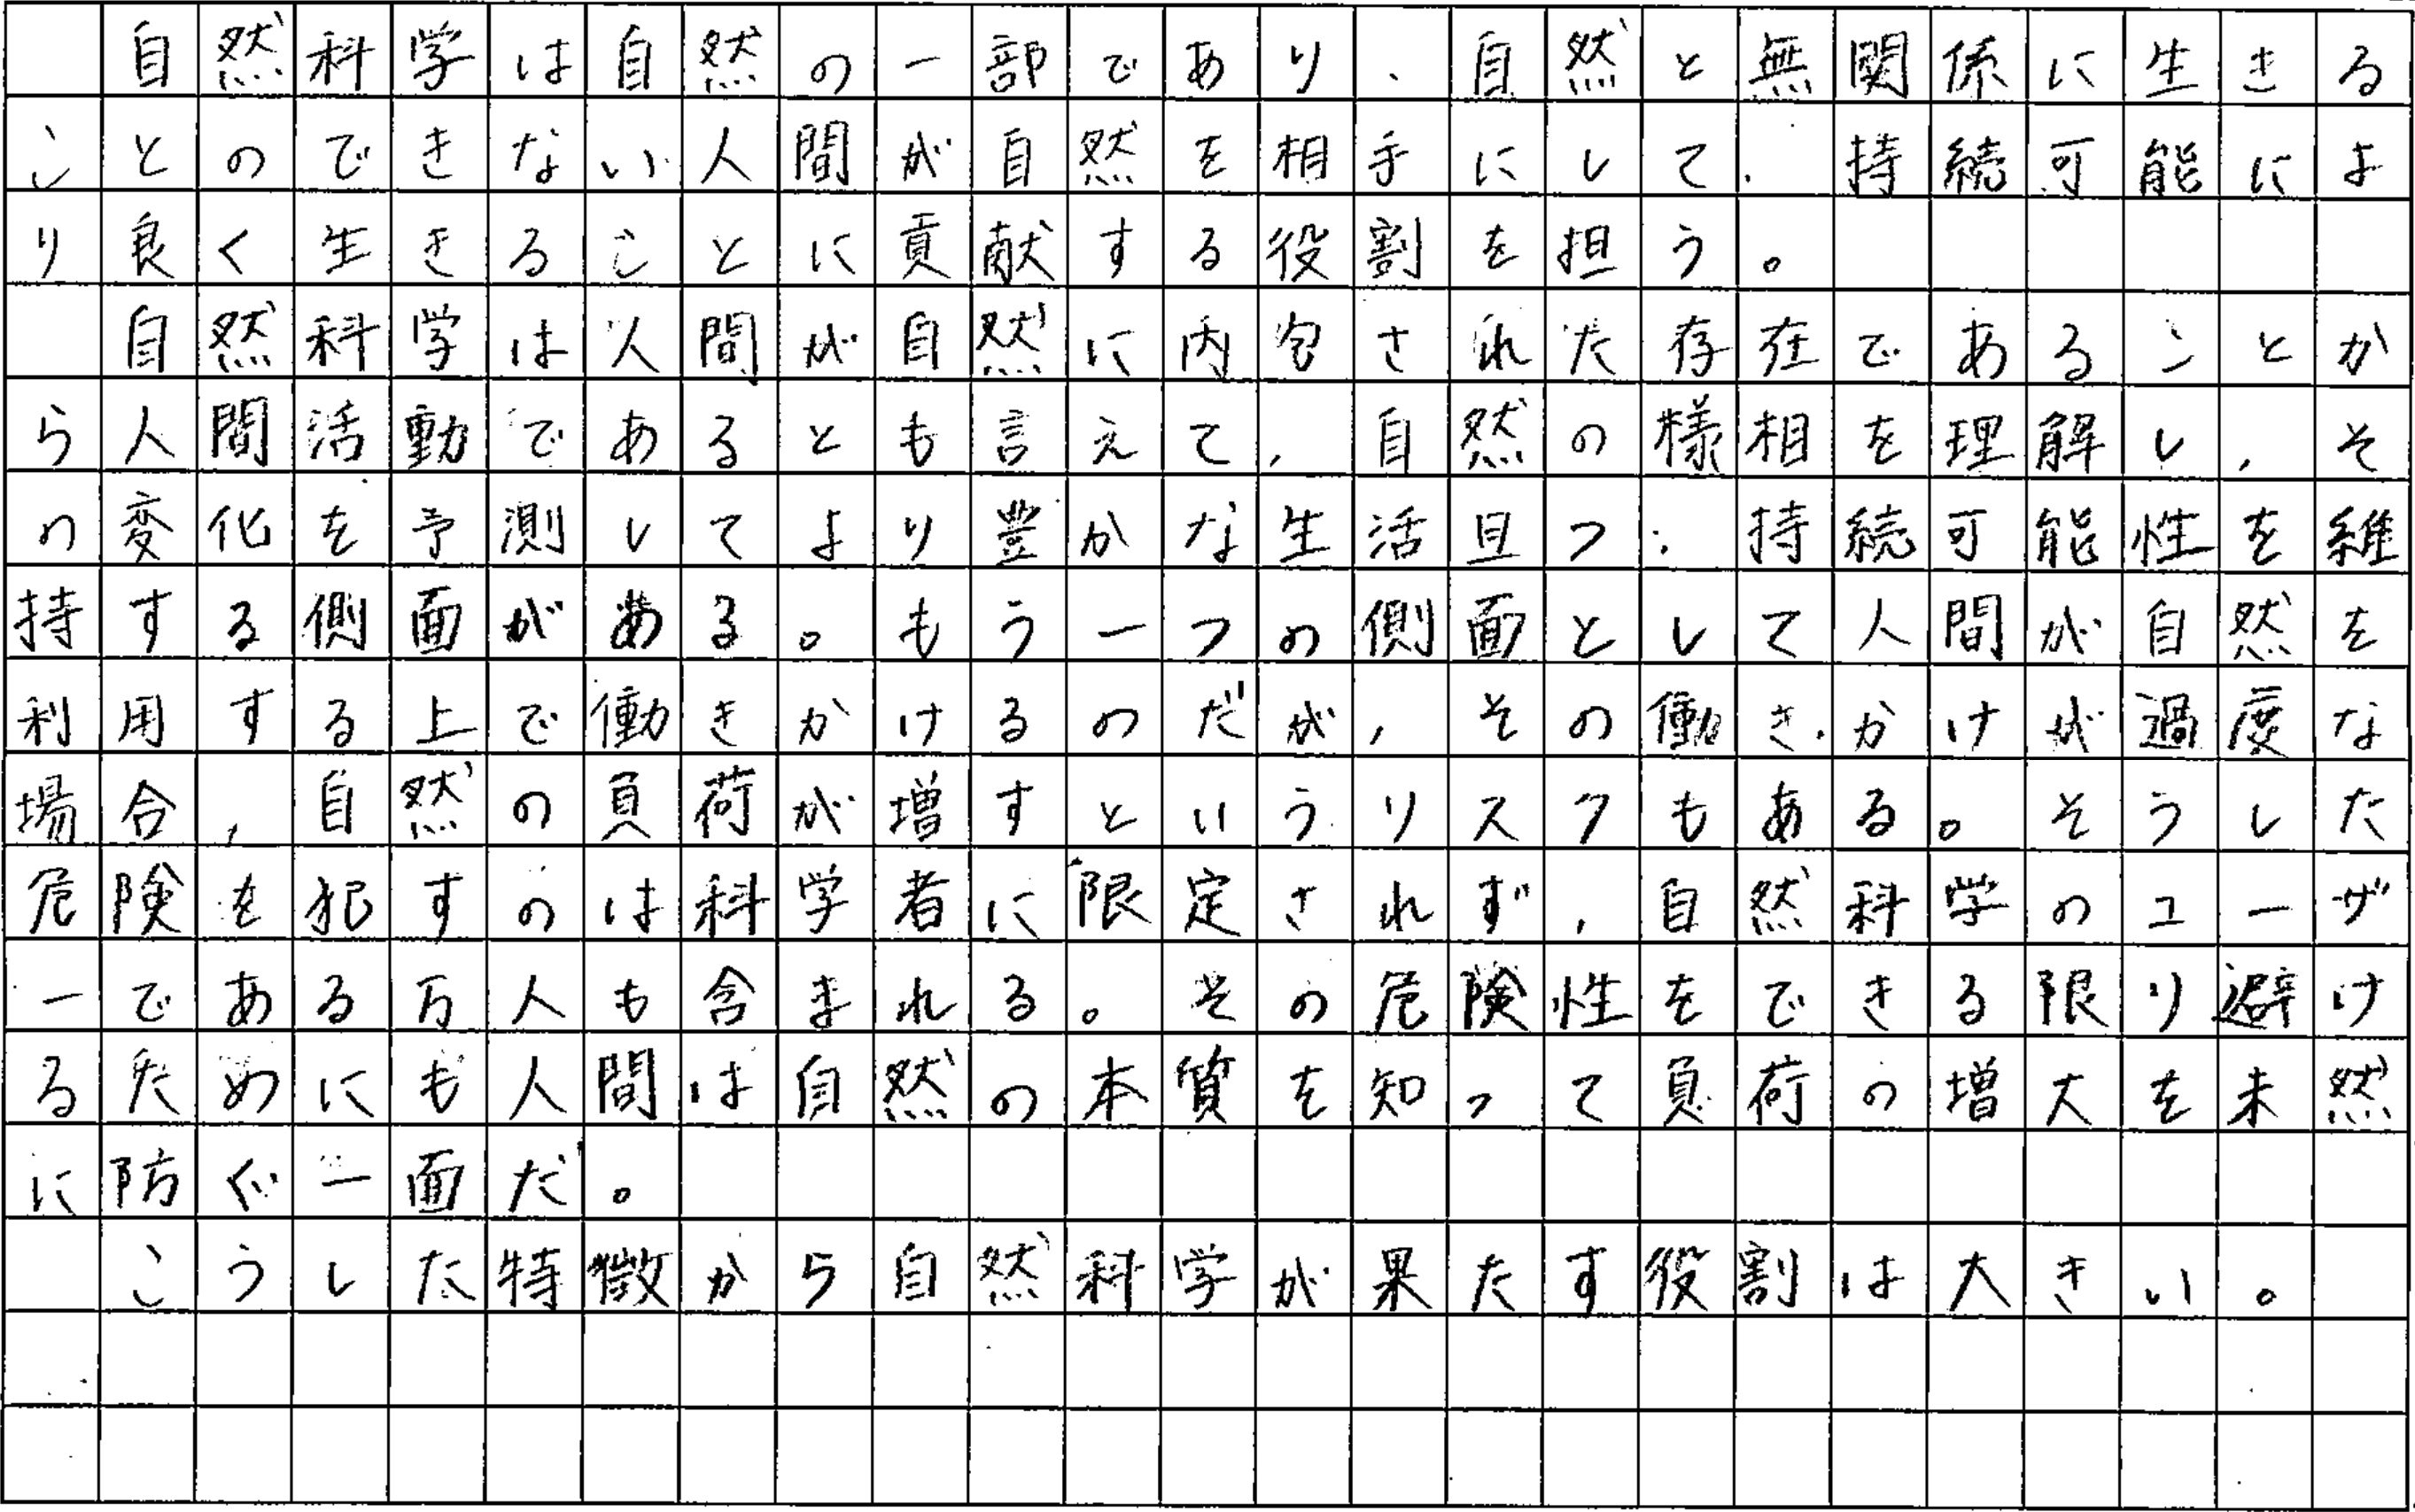　自然科学は自然の一部であり、自然と無関係に生きることのできない人間が自然を相手にして、持続可能により良く生きることに貢献する役割を担う。
　自然科学は人間が自然に内包された存在であることから人間活動であるとも言えて、自然の様相を理解し、その変化を予測してより豊かな生活且つ、持続可能性を維持する側面がある。もう一つの側面として人間が自然を利用する上で働きかけるのだが、その働きかけが過度な場合、自然の負荷が増すというリスクもある。そうした危険を犯すのは科学者に限定されず、自然科学のユーザーである万人も含まれる。その危険性をできる限り避けるためにも人間は自然の本質を知って負荷の増大を未然に防ぐ一面だ。
　こうした特徴から自然科学が果たす役割は大きい。
